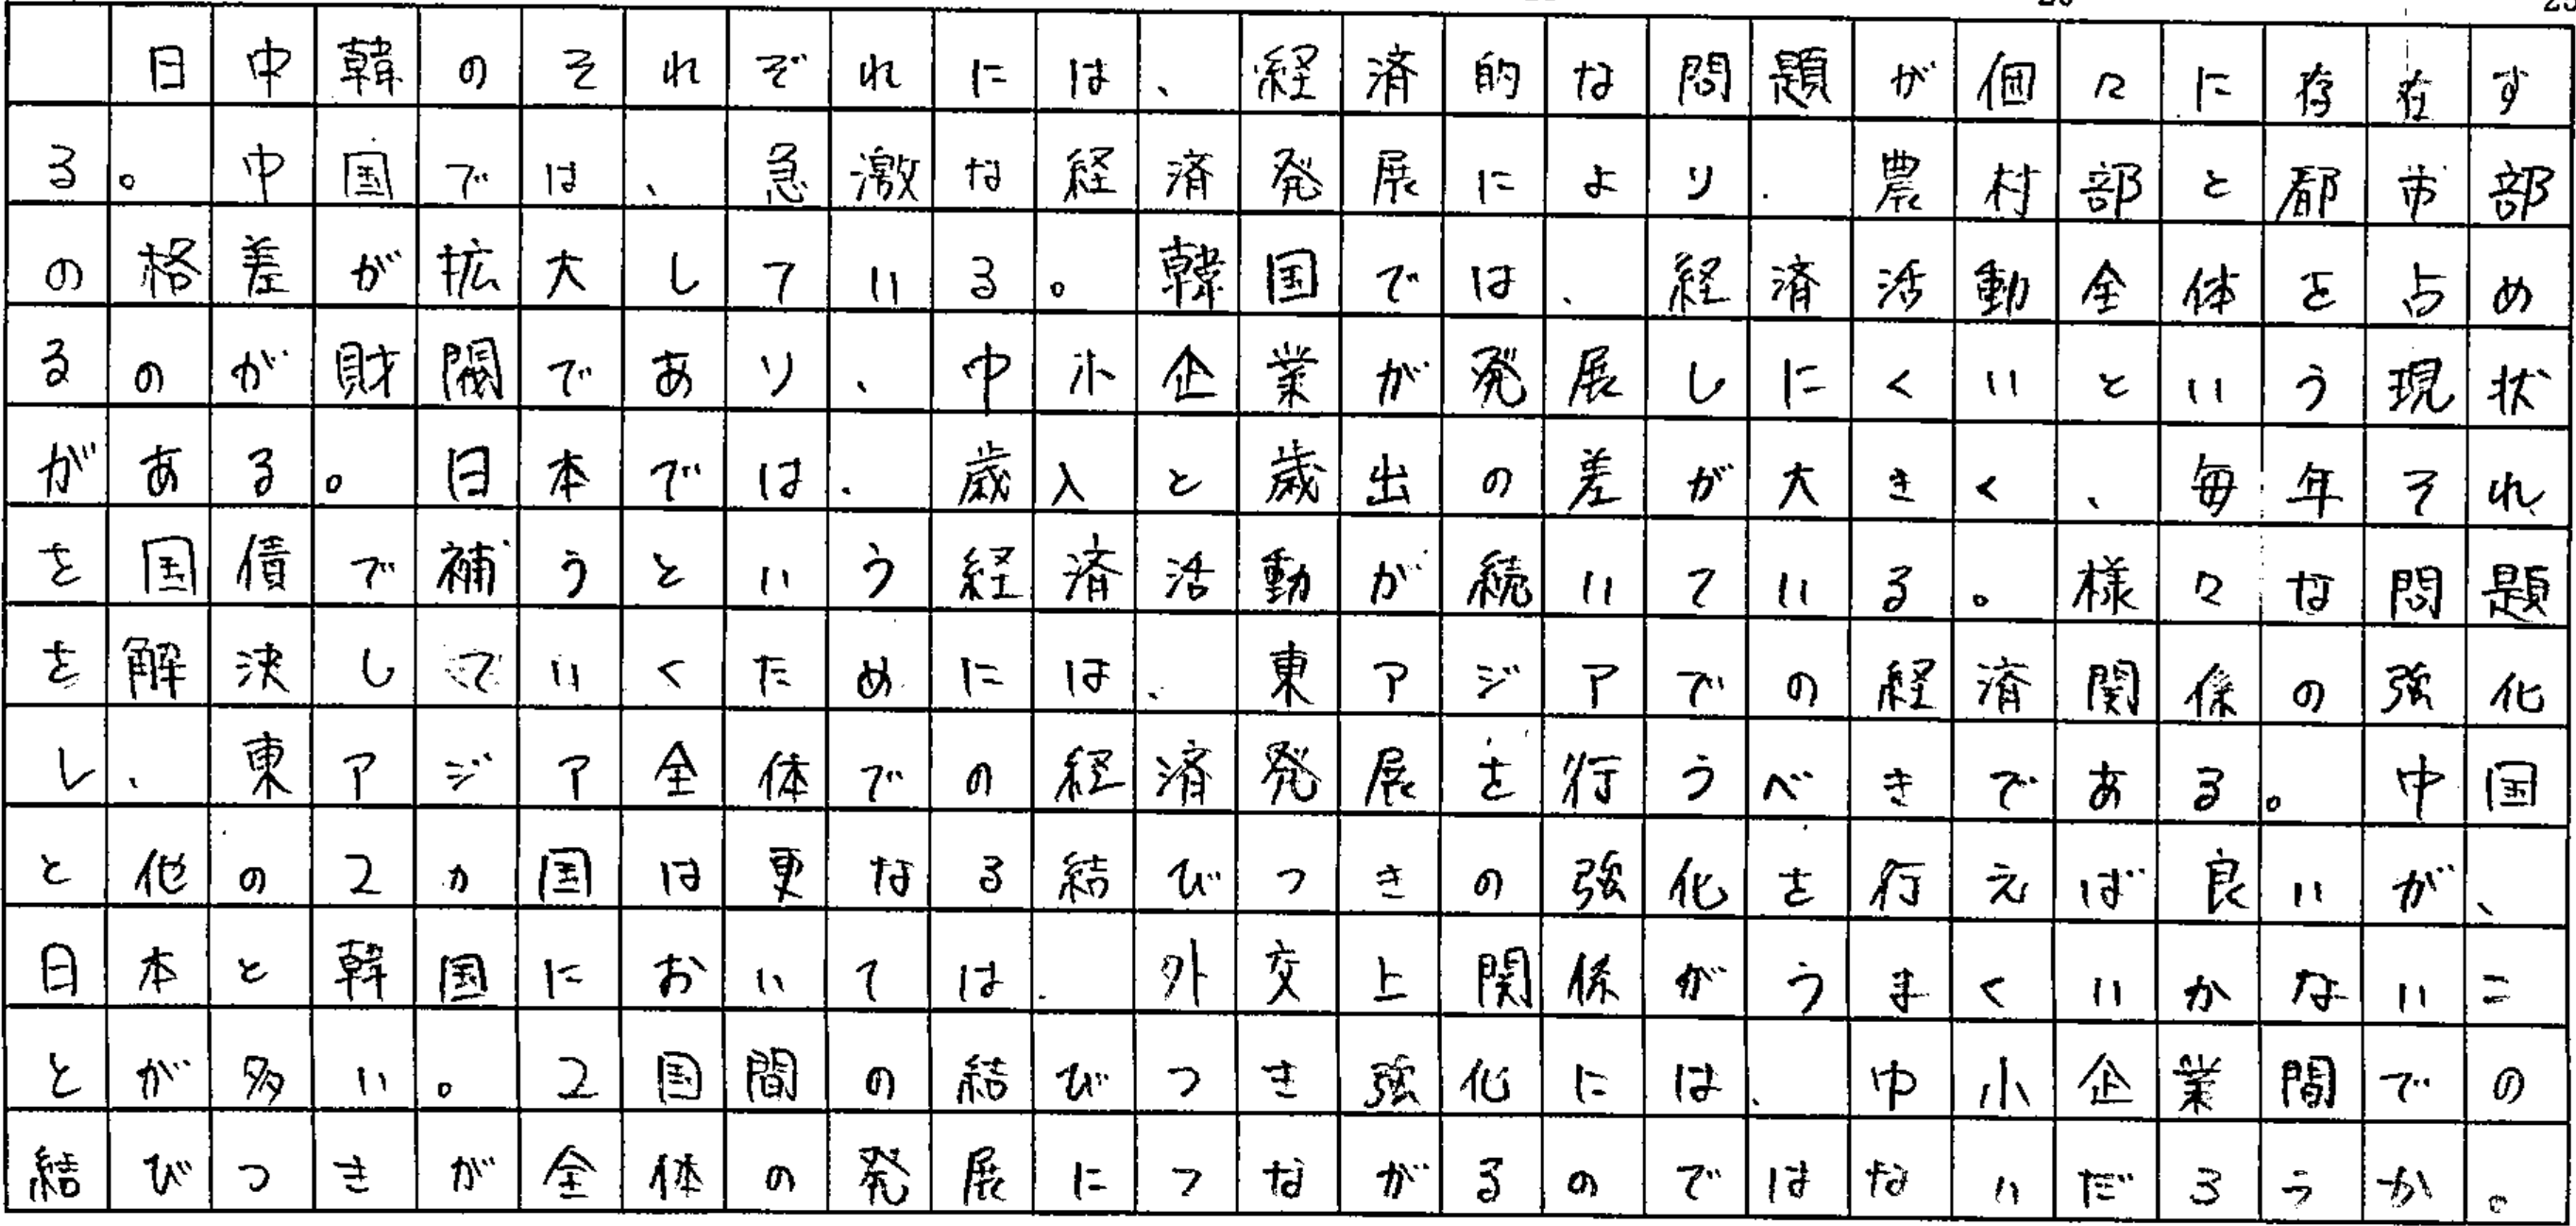　日中韓のそれぞれには、経済的な問題が個々に存在する。中国では、急激な経済発展により、農村部と都市部の格差が拡大している。韓国では、経済活動全体を占めるのが財閥であり、中小企業が発展しにくいという現状がある。日本では、歳入と歳出の差が大きく、毎年それを国債で補うという経済活動が続いている。様々な問題を解決していくためには、東アジアでの経済関係の強化し、東アジア全体での経済発展を行うべきである。中国と他の２ヵ国は更なる結びつきの強化を行えば良いが、日本と韓国においては、外交上関係がうまくいかないことが多い。２国間の結びつき強化には、中小企業間での結びつきが全体の発展につながるのではないだろうか。
